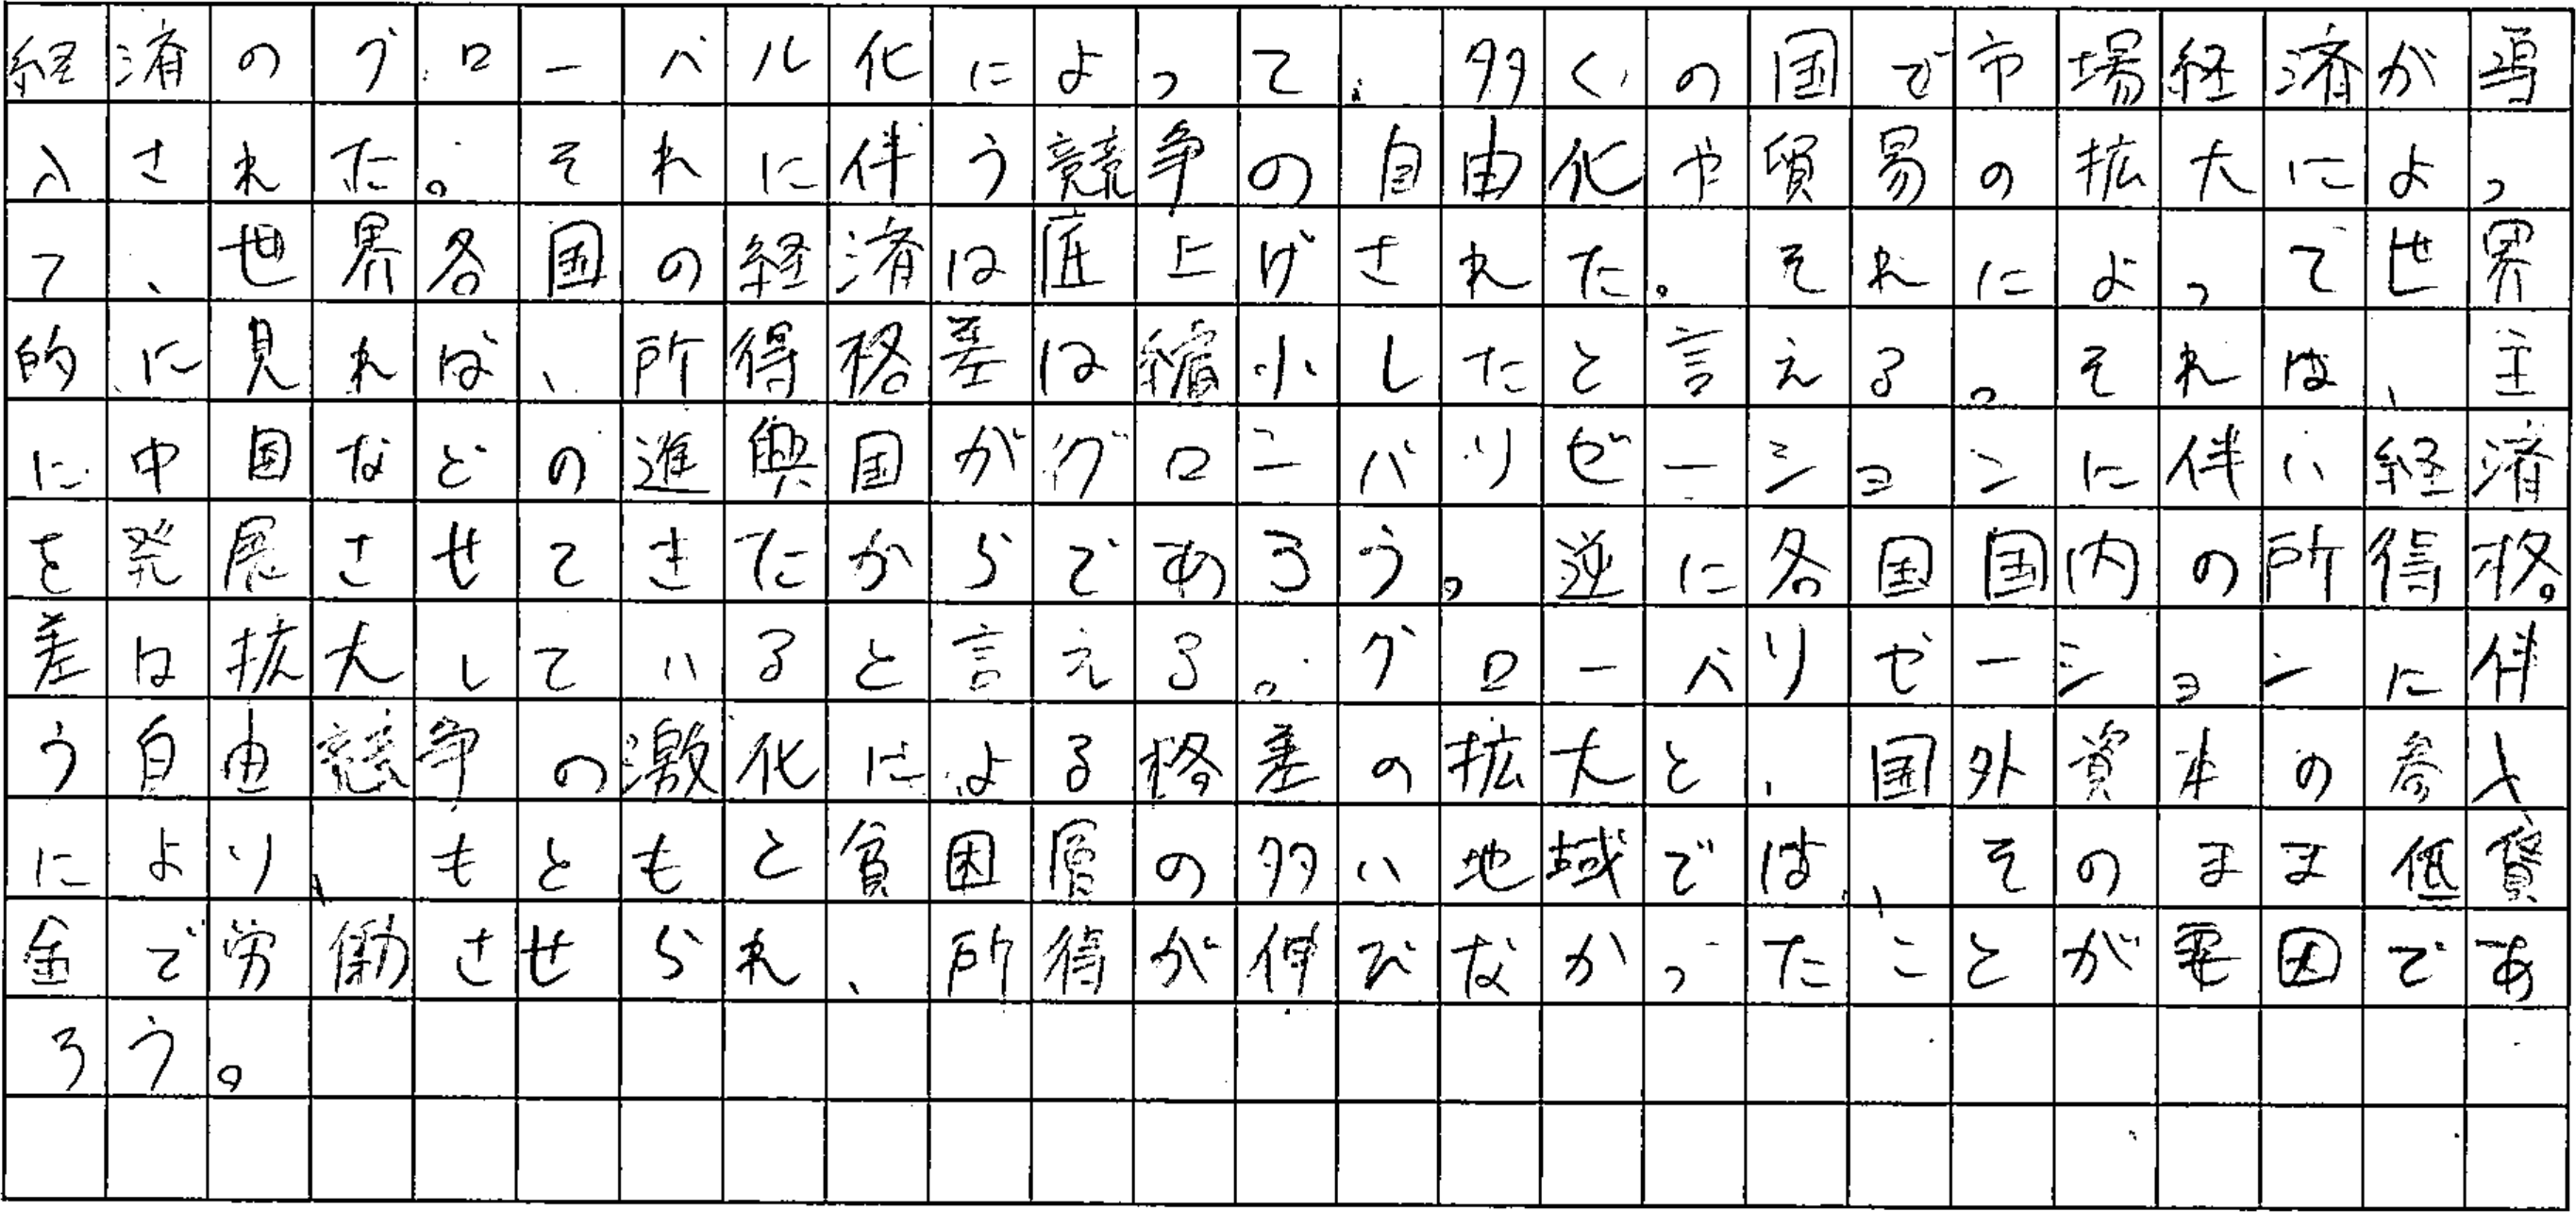経済のグローバル化によって、多くの国で市場経済が導入された。それに伴う競争の自由化や貿易の拡大によって、世界各国の経済は底上げされた。それによって世界的に見れば、所得格差は縮小したといえる。それは、主に中国などの進興国がグローバリゼーションに伴い経済を発展させてきたからであろう。逆に各国国内の所得格差は拡大していると言える。グローバリゼーションに伴う自由競争の激化による格差の拡大と、国外資本の参入により、もともと貧困層の多い地域では、そのまま低賃金で労働させられ、所得が伸びなかったことが要因であろう。
